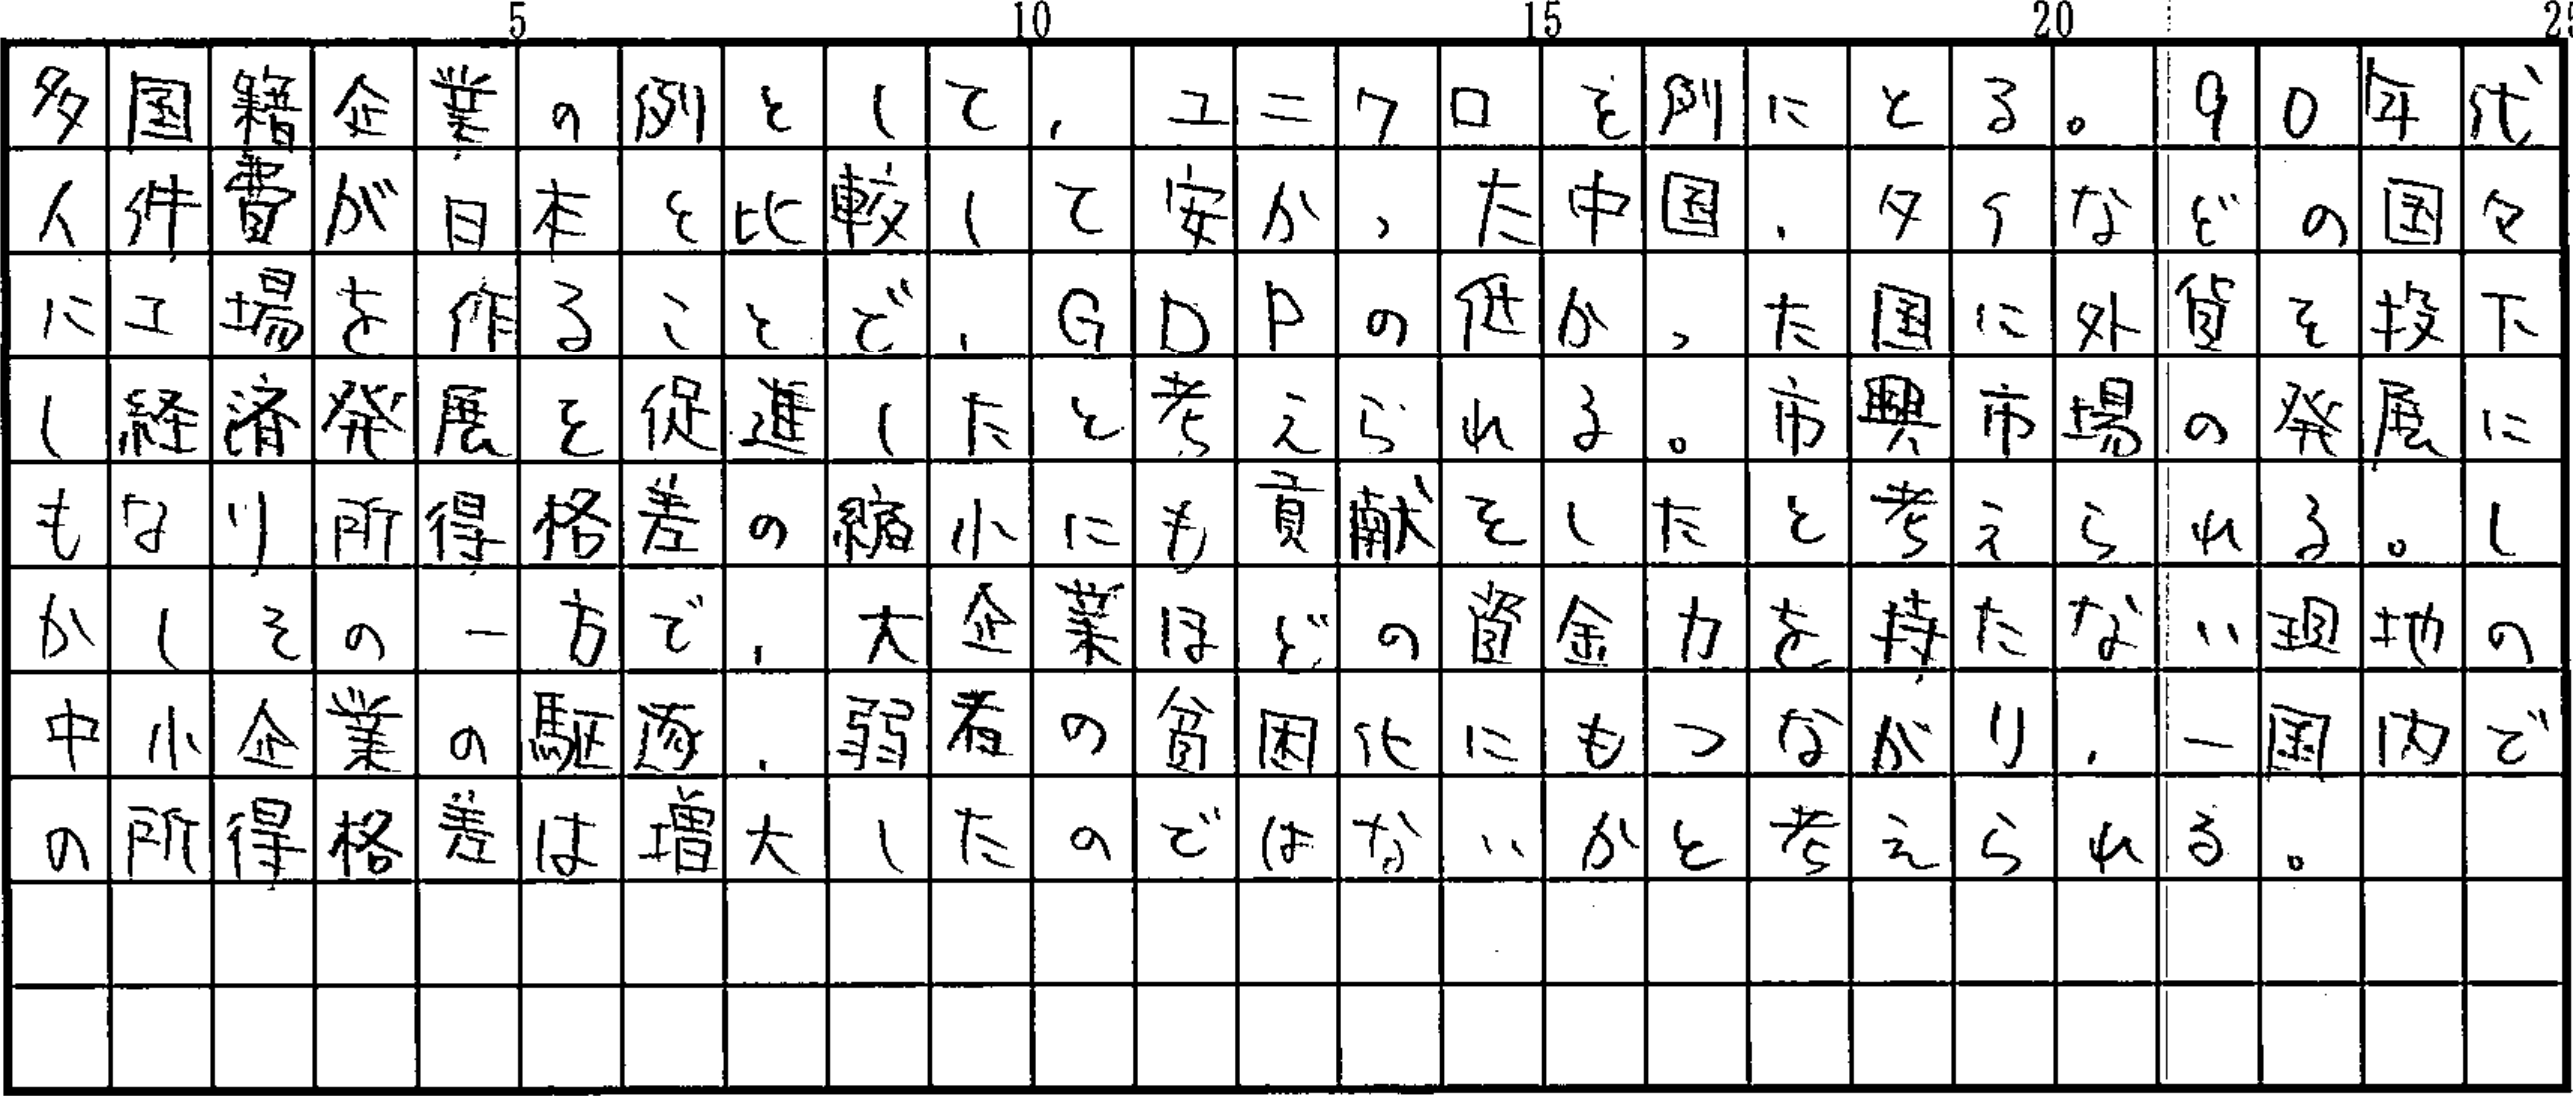多国籍企業の例として、ユニクロを例にとる。９０年代人件費が日本と比較して安かった中国、タイなどの国々に工場を作ることで、ＧＤＰの低かった国に外貨を投下し経済発展を促進したと考えられる。市興市場の発展にもなり所得格差の縮小にも貢献したと考えられる。しかしその一方で、大企業ほどの資金力を持たない現地の中小企業の駆逐、弱者の貧困化にもつながり、一国内での所得格差は増大したのではないかと考えられる。
